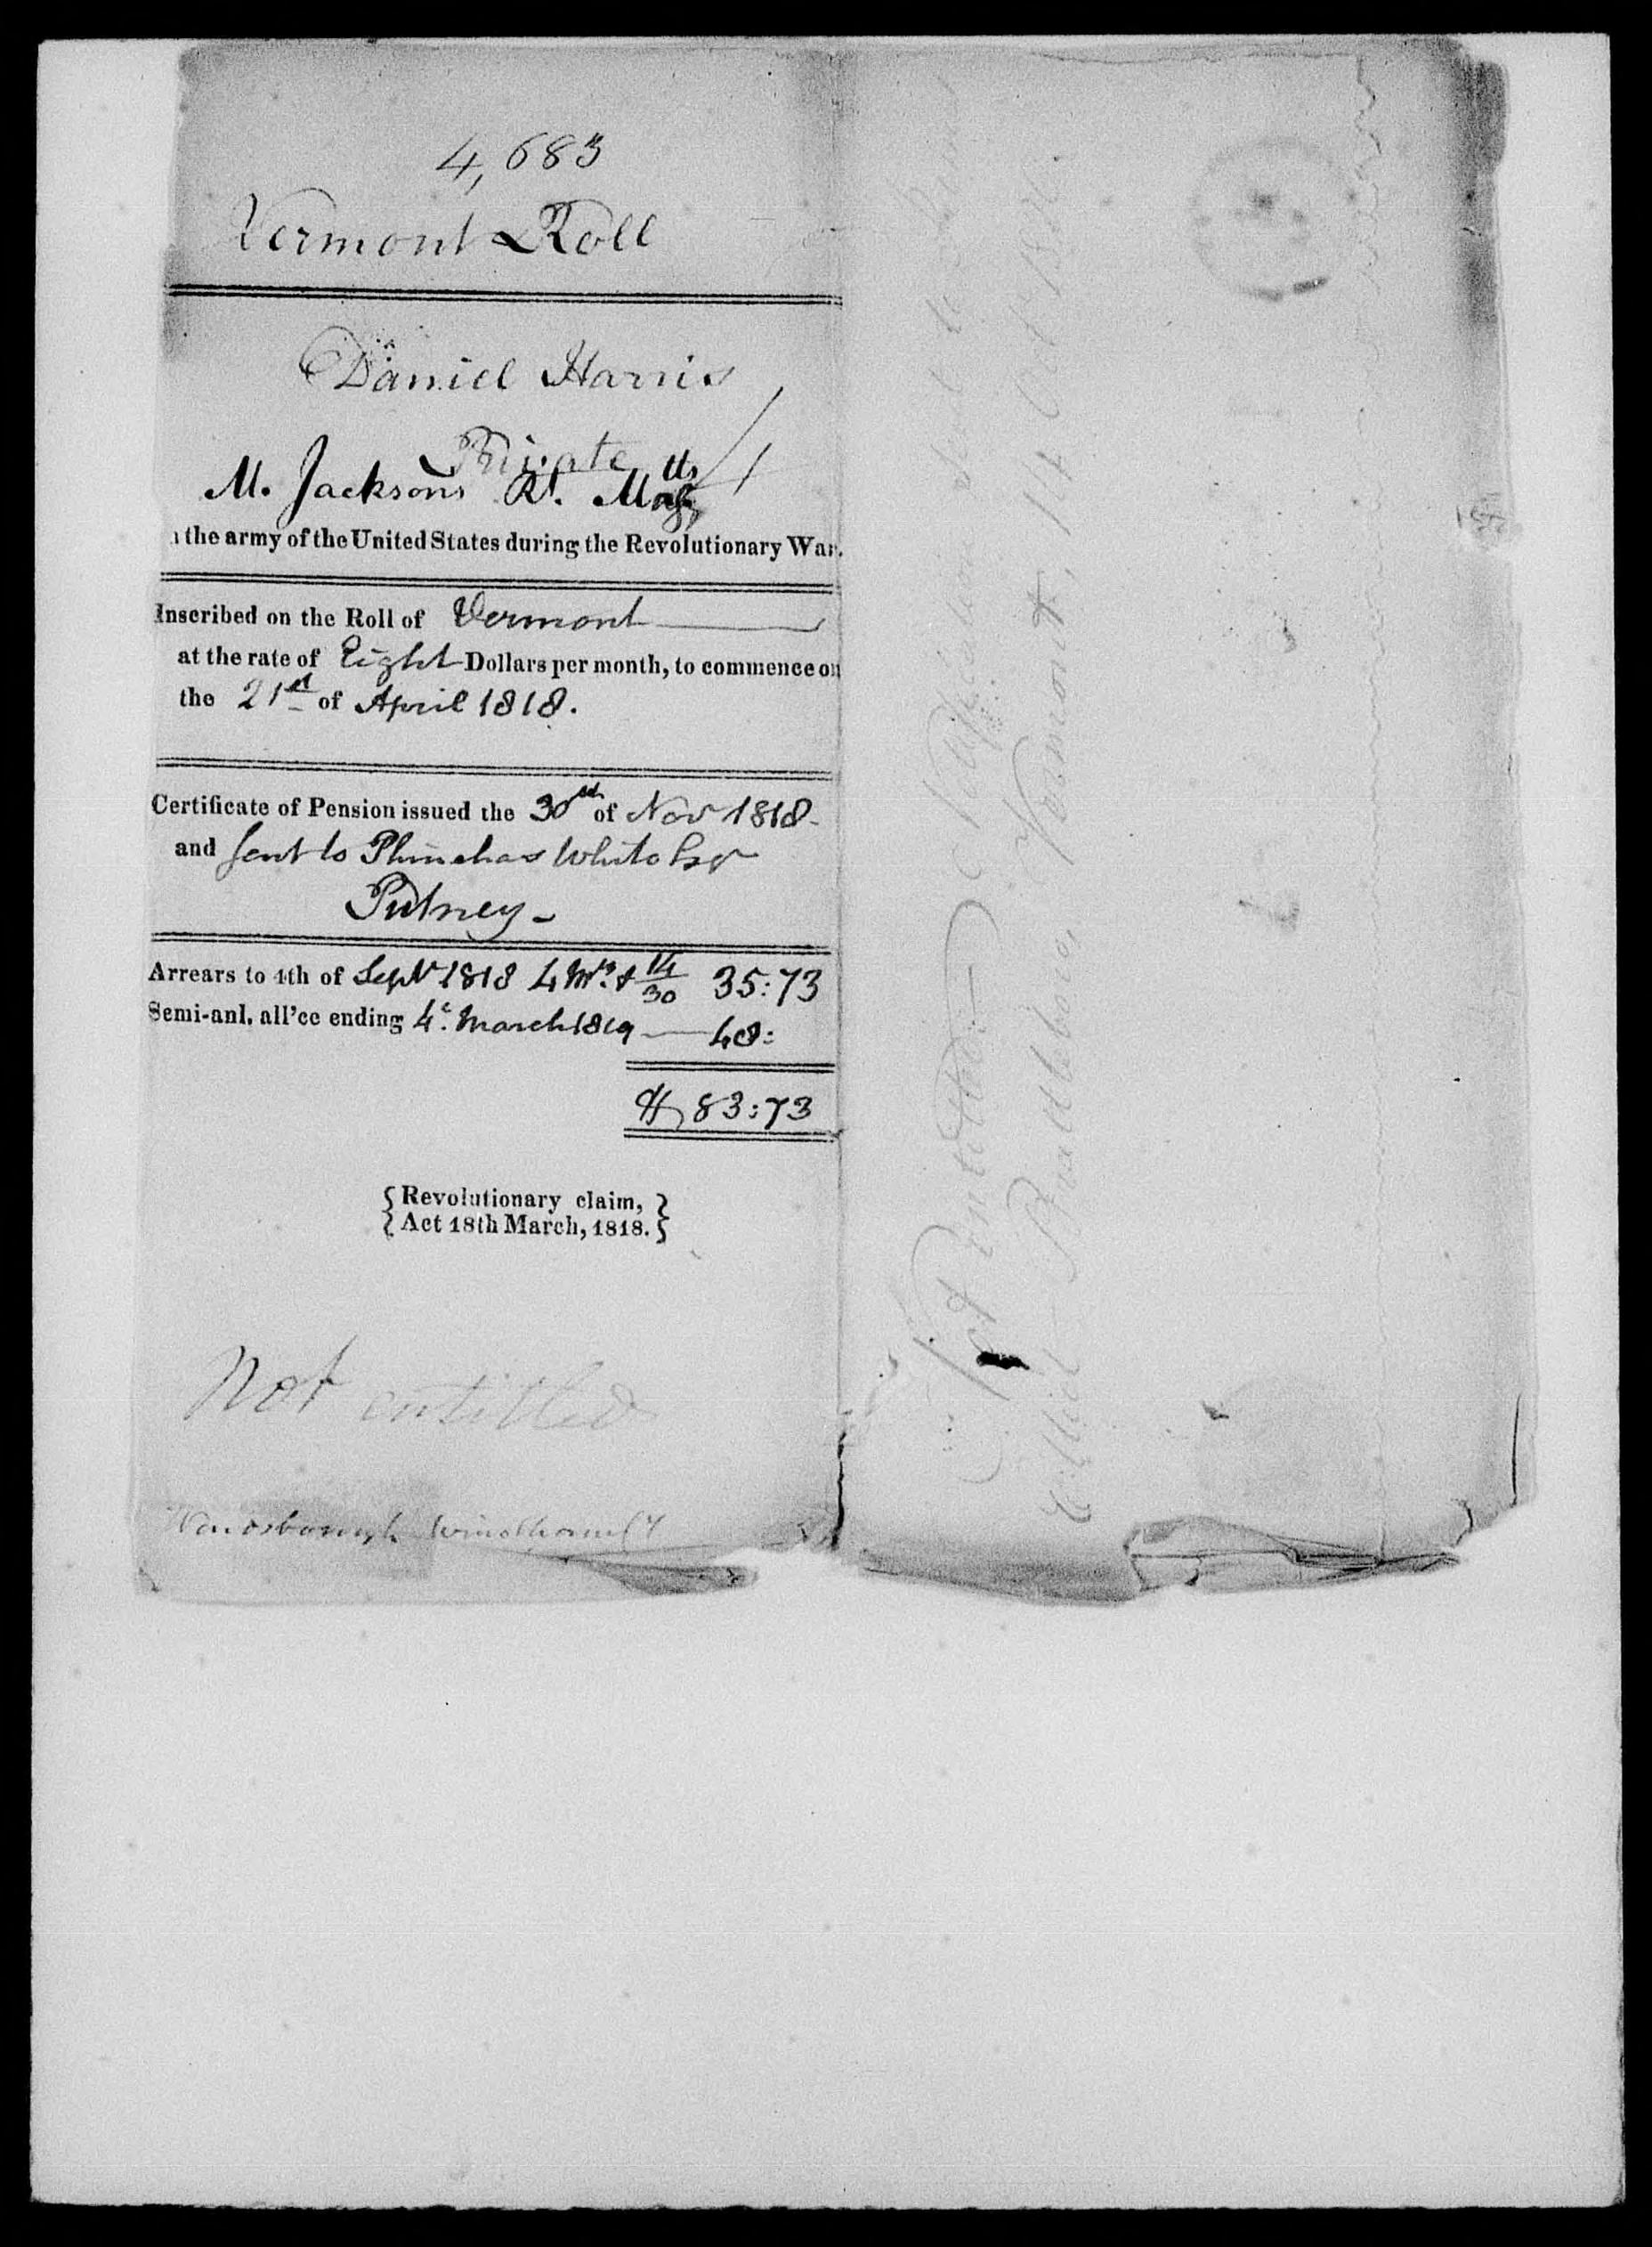4,683
Vermont  Roll
Daniel Harris
Private

Mr. Jackson's R. Mass
in the army of the United States during the Revolutionary War. 

Inscribed on the Roll of Vermont at the rate of Eight Dollars per month, to commence on the 21st of April 1818.

Certificate of Pension issued the 30th of Nov 1818 and sent to Phinehas White (?) Putney

Arrears to 4th of Sept 1818 (?) 14/30  35:73
Semi-anl, all'ce  4 March 1819  4c.

{Revolutionary claim, Act 18th March, 1818}

Not entitled 

[Vertical Text]
Act Pentitled - Notification sent to (?) Brattleboro, Vermont  14th Octo 1820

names: Phinehas White, Daniel Harris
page: 30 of 68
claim: survivor's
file: S. 29,877, Daniel Harris, Mass.